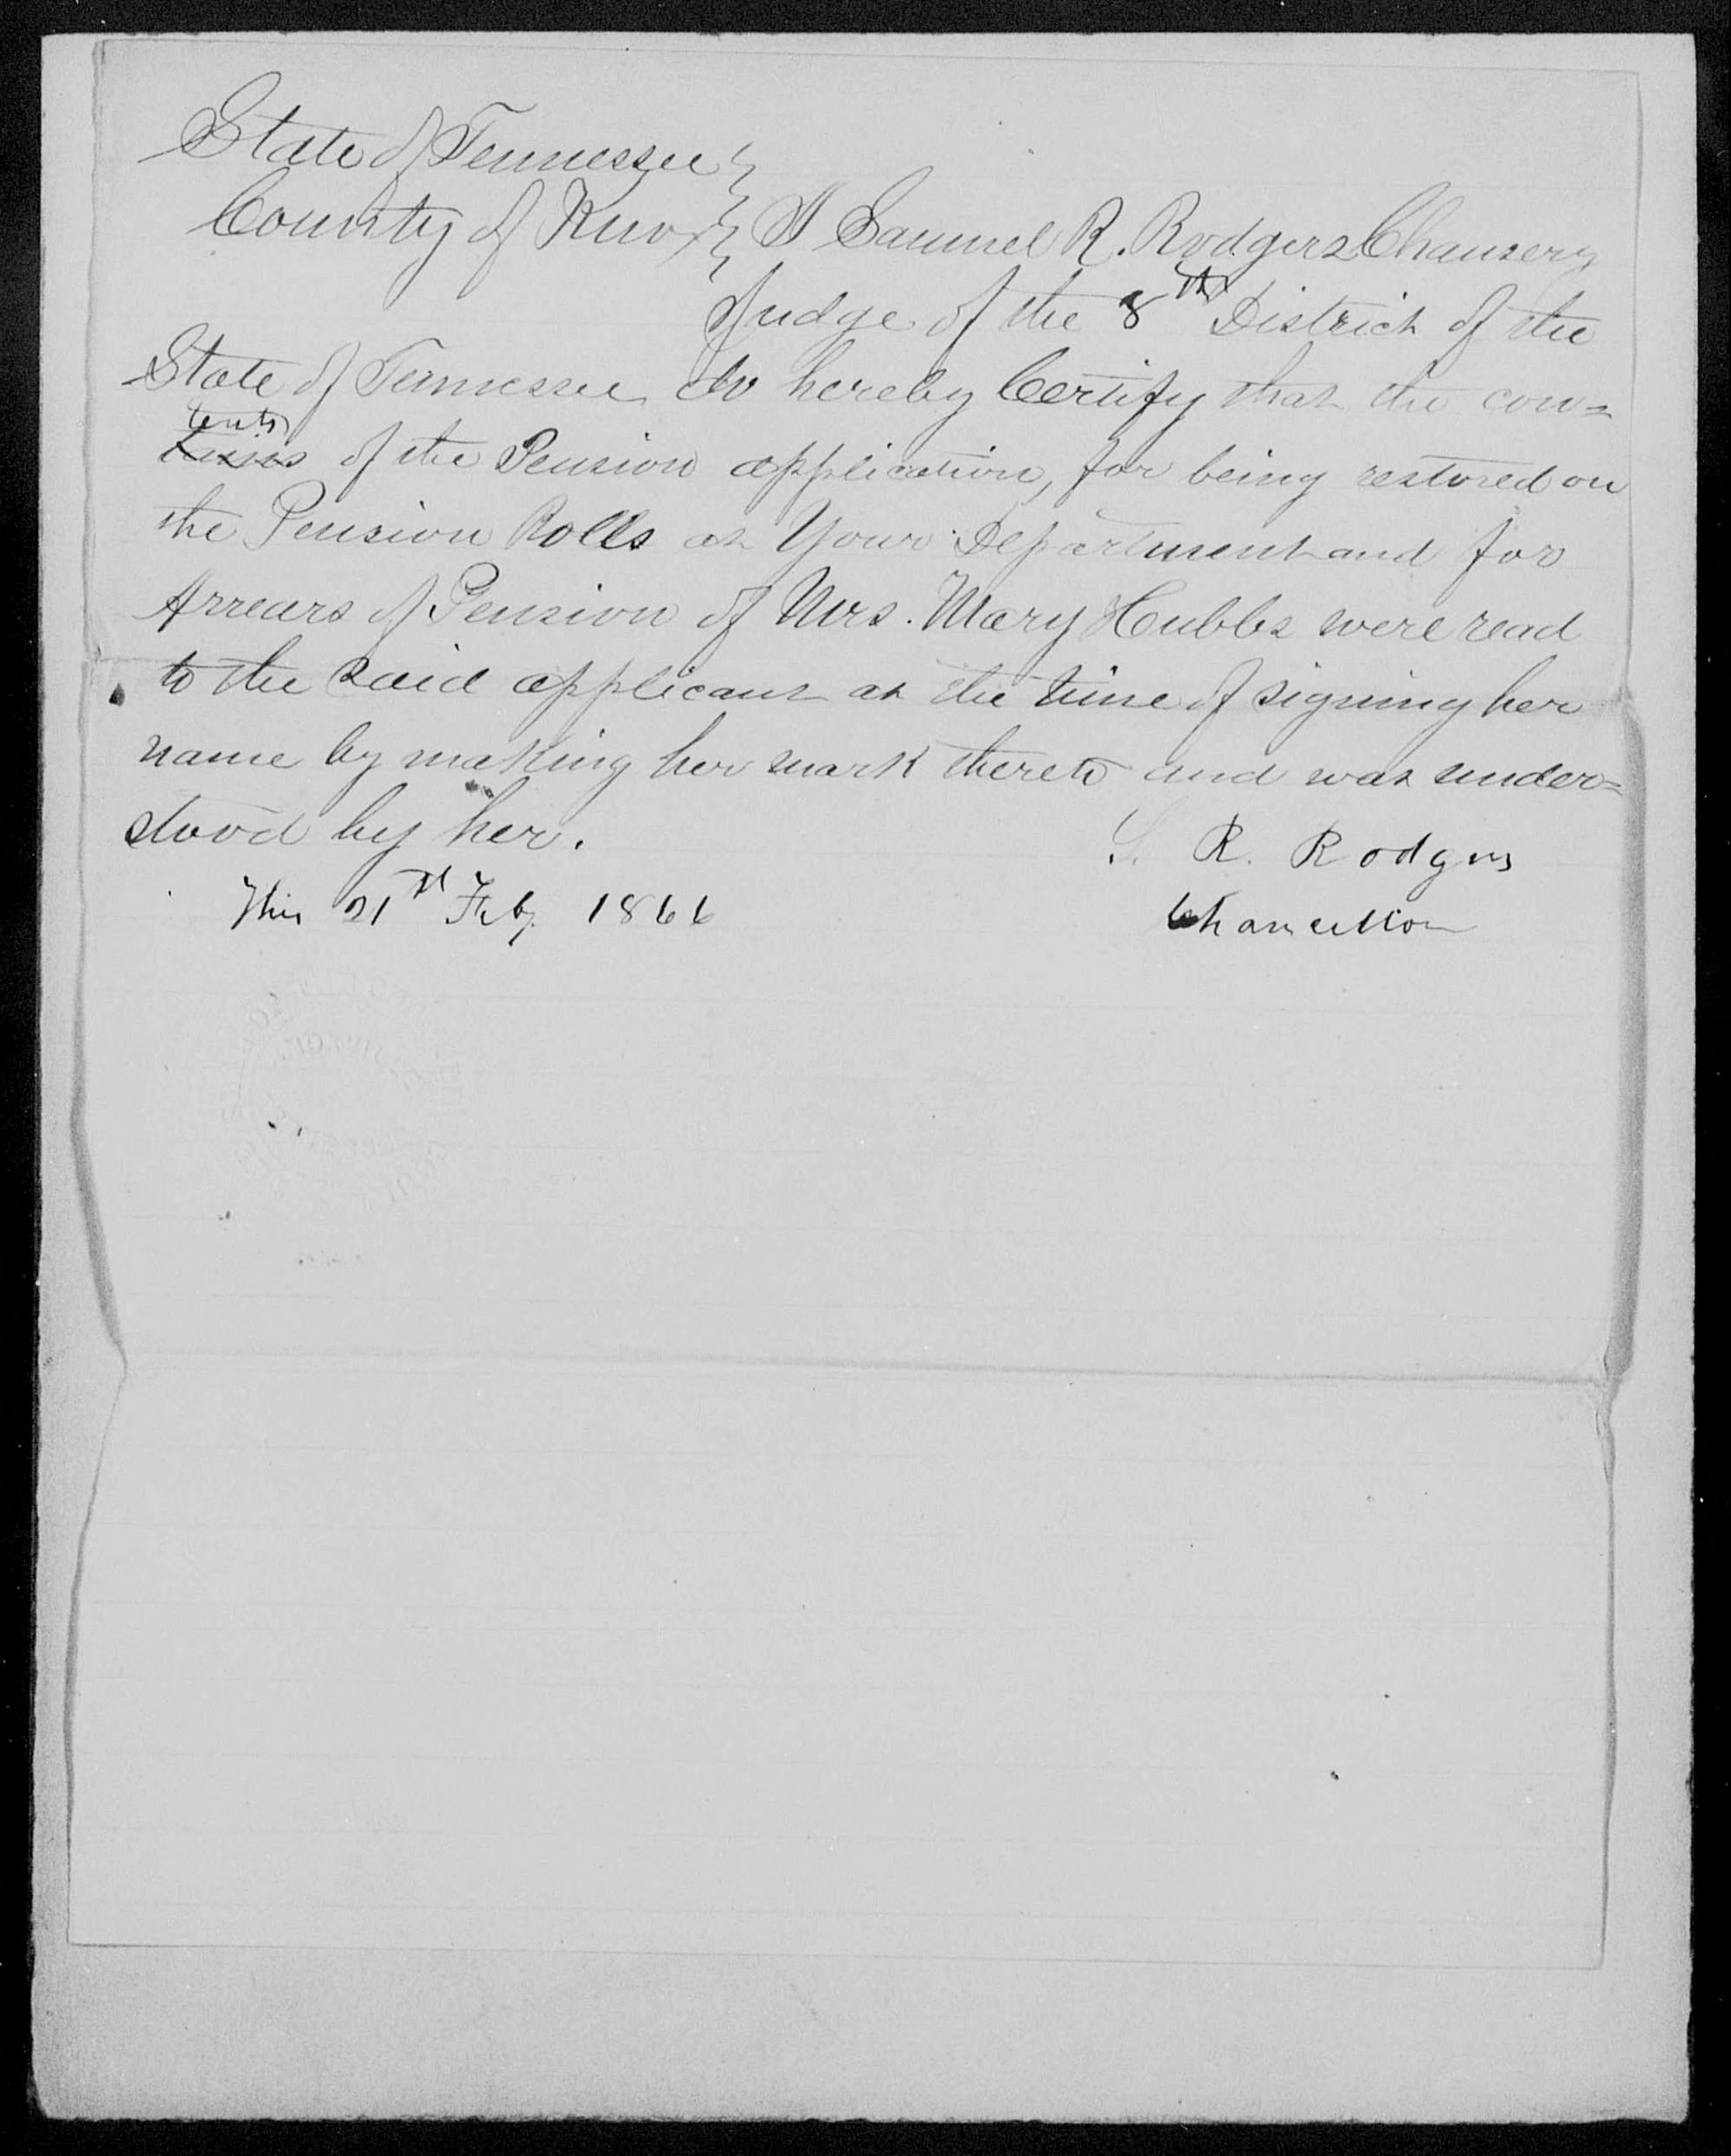State of Tennessee
County of Knox
I Samuel R. Rodgers Chansery Judge of the 8th District of the State of Tennessee do hereby Certify that the contents of the Pension application, for being restored on the Pension Rolls at your Department and for Arrears of Pension of Mrs. Mary Hubbs were read to the said applicant at the time of signing her name by making her mark thereto and was understood by her.
This 21st Feby. 1866
J.R. Rodgers
Chancellor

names: J R Rodgers, Mary Hubbs, Samuel R Rodgers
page: 67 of 86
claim: widow's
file: W. 1035, John Hubbs, S.C.